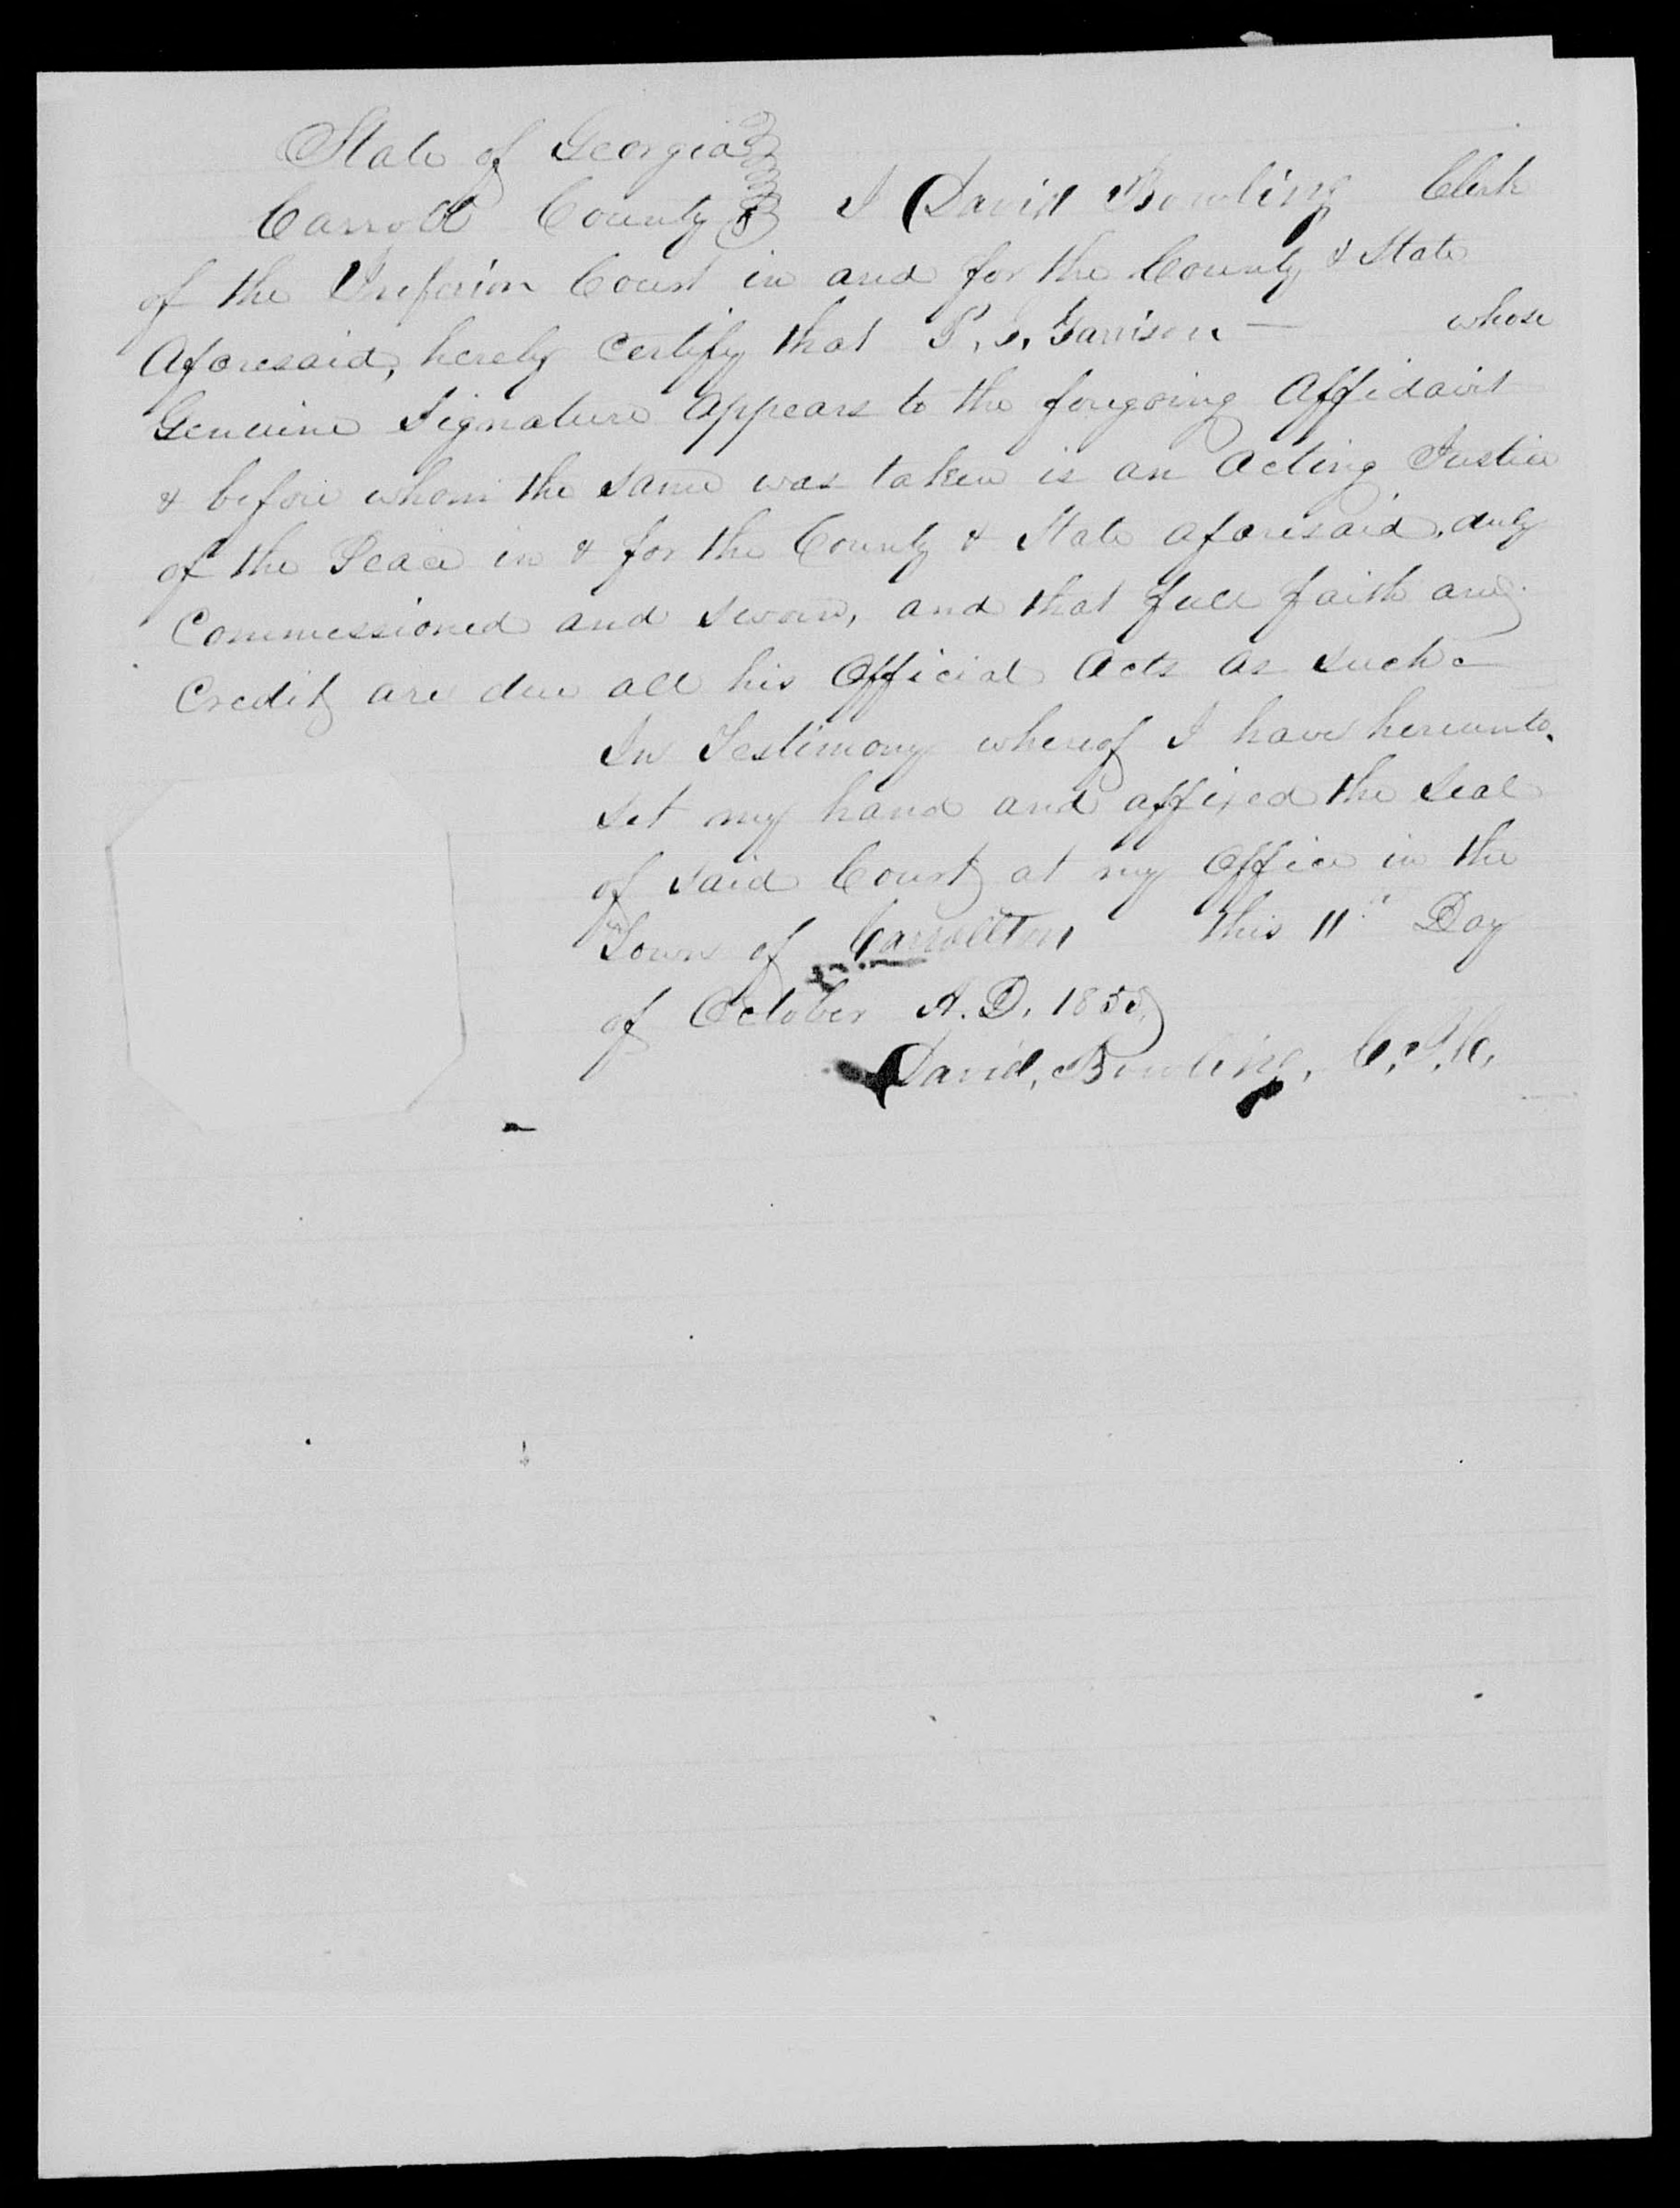State of Georgia
Carroll County ⎬
I David Bowling Clerk of the Inferior Court in and for the County & State aforesaid, hereby certify that P.S. Garrison whose Genuine Signature appears to the foregoing affidavit
& before whom the same was taken is an acting Justice
of the Peace in & for the County & State aforesaid, duly
Commissioned and sworn, and that full faith and
credit are due all his official acts as such.
In Testimony whereof I have hereunto
set my hand and affixed the seal
of said Court at my Office in the
Town of Carrolton. This 11th Day
of October A.D. 1855
David Bowling C.I.C.
-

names: P G Garrison, David Bowling, David Bowling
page: 44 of 63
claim: widow's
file: W. 4175, Joseph Davidson, N.C.